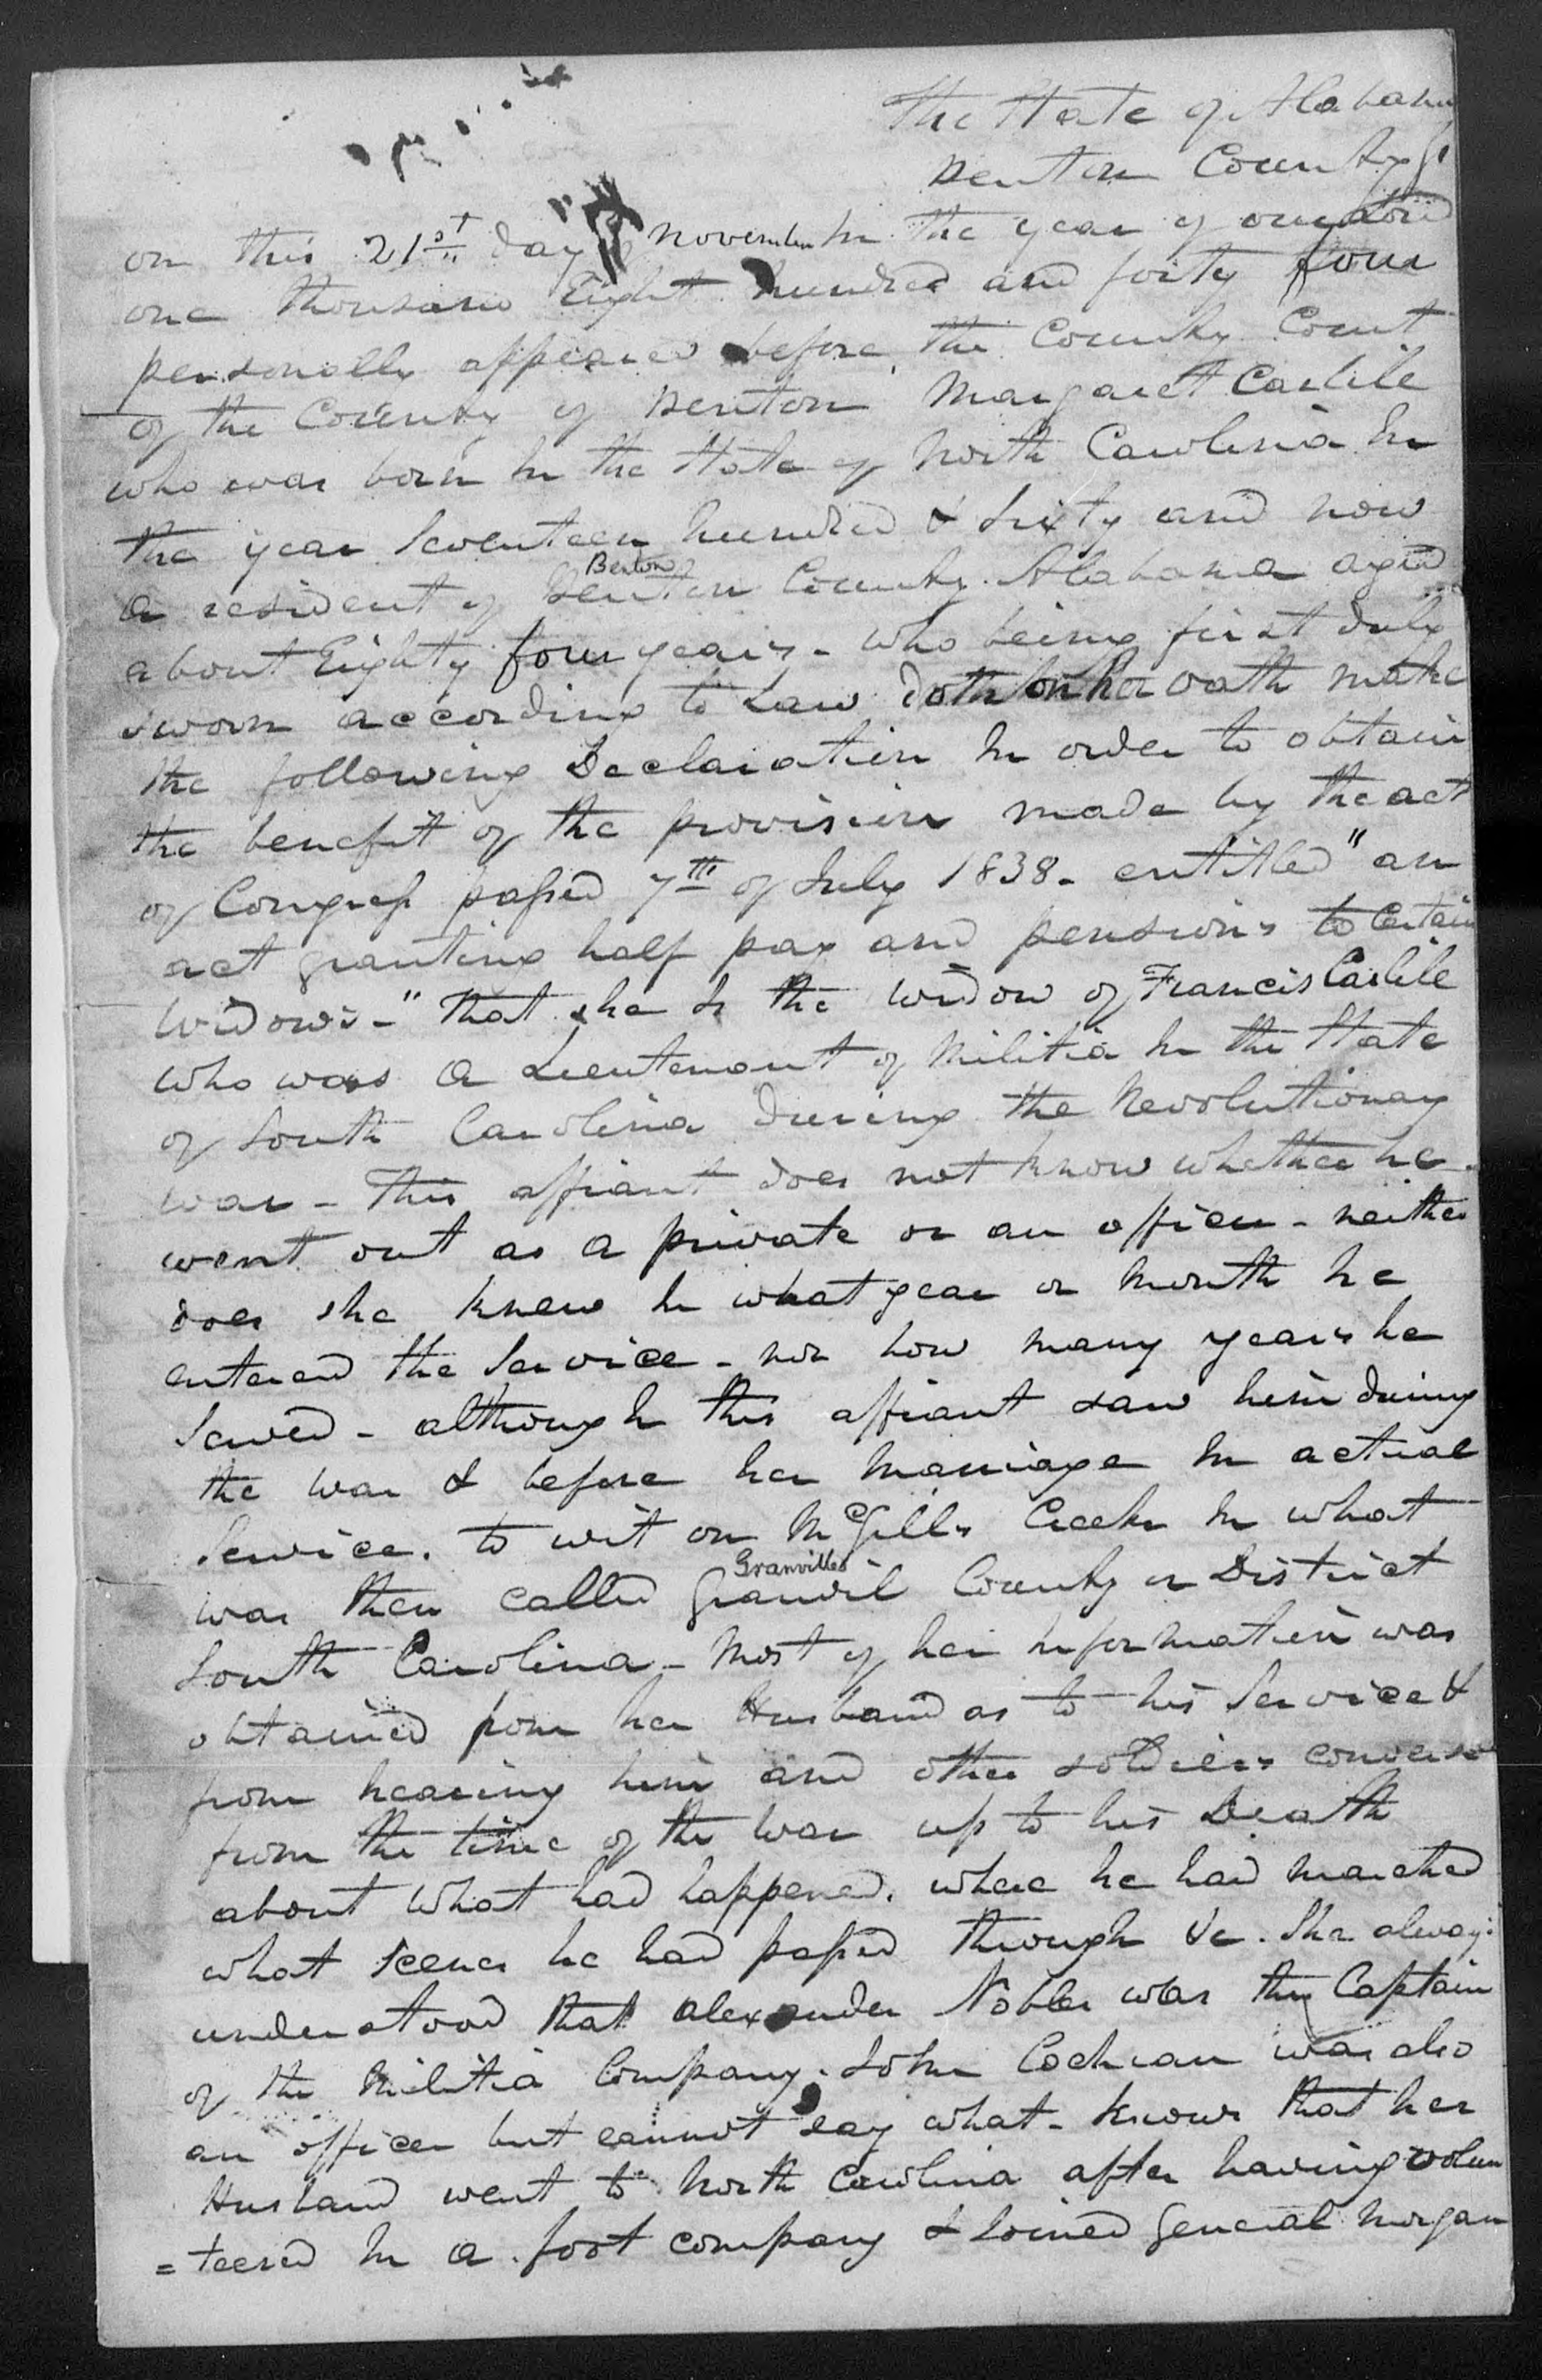the State of Alabama
Benton County
on this 21st day November in the year of our Lord one thousand eight hundred and forty four personally appeared before the County Court of the County of Benton Margaret Carlisle who was born in the State of North Carolina in the year Seventeen hundred & Sixty and now is resident of Benton County, Alabama aged about Eighty four years, who being first duly sworn according to Law doth on her oath make the following declaration he order to obtain the benefit of the provision made by the act of Congress passed 7th of July 1838, entitle "an act granting half pay and pensions to certain widows"" - That she is the widow of Francis Carlisle who was a Lieutenant of Militia in the State of South Carolina during the Revolutionary war this affiant does not know whether he went out as a private or an office neither does she know he what year or month he entered the service, nor how many years he served, although this affiant saw him during the war & before her marriage in actual
Service to wit on Mill Creek in what was then called Granville [Greenville] County or District South Carolina-- most of her information was obtained from her Husband as to his service & from hearing him and other soldiers converse from the time of the war up to his death about what had happened, where he had marched what scenes he had passed through &c. She always understood that Alexander Noble was the Captain of the Militia Company, John Cochran was also an officer but cannot say what know that her Husband went to North Carolina after having volunteered In a foot company & Joined General [Daniel] Morgan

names: Alexander Noble, Francis Carlile, John Cochran, Margaret Carlile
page: 4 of 91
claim: widow's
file: W. 10576, Francis Carlisle, S.C.